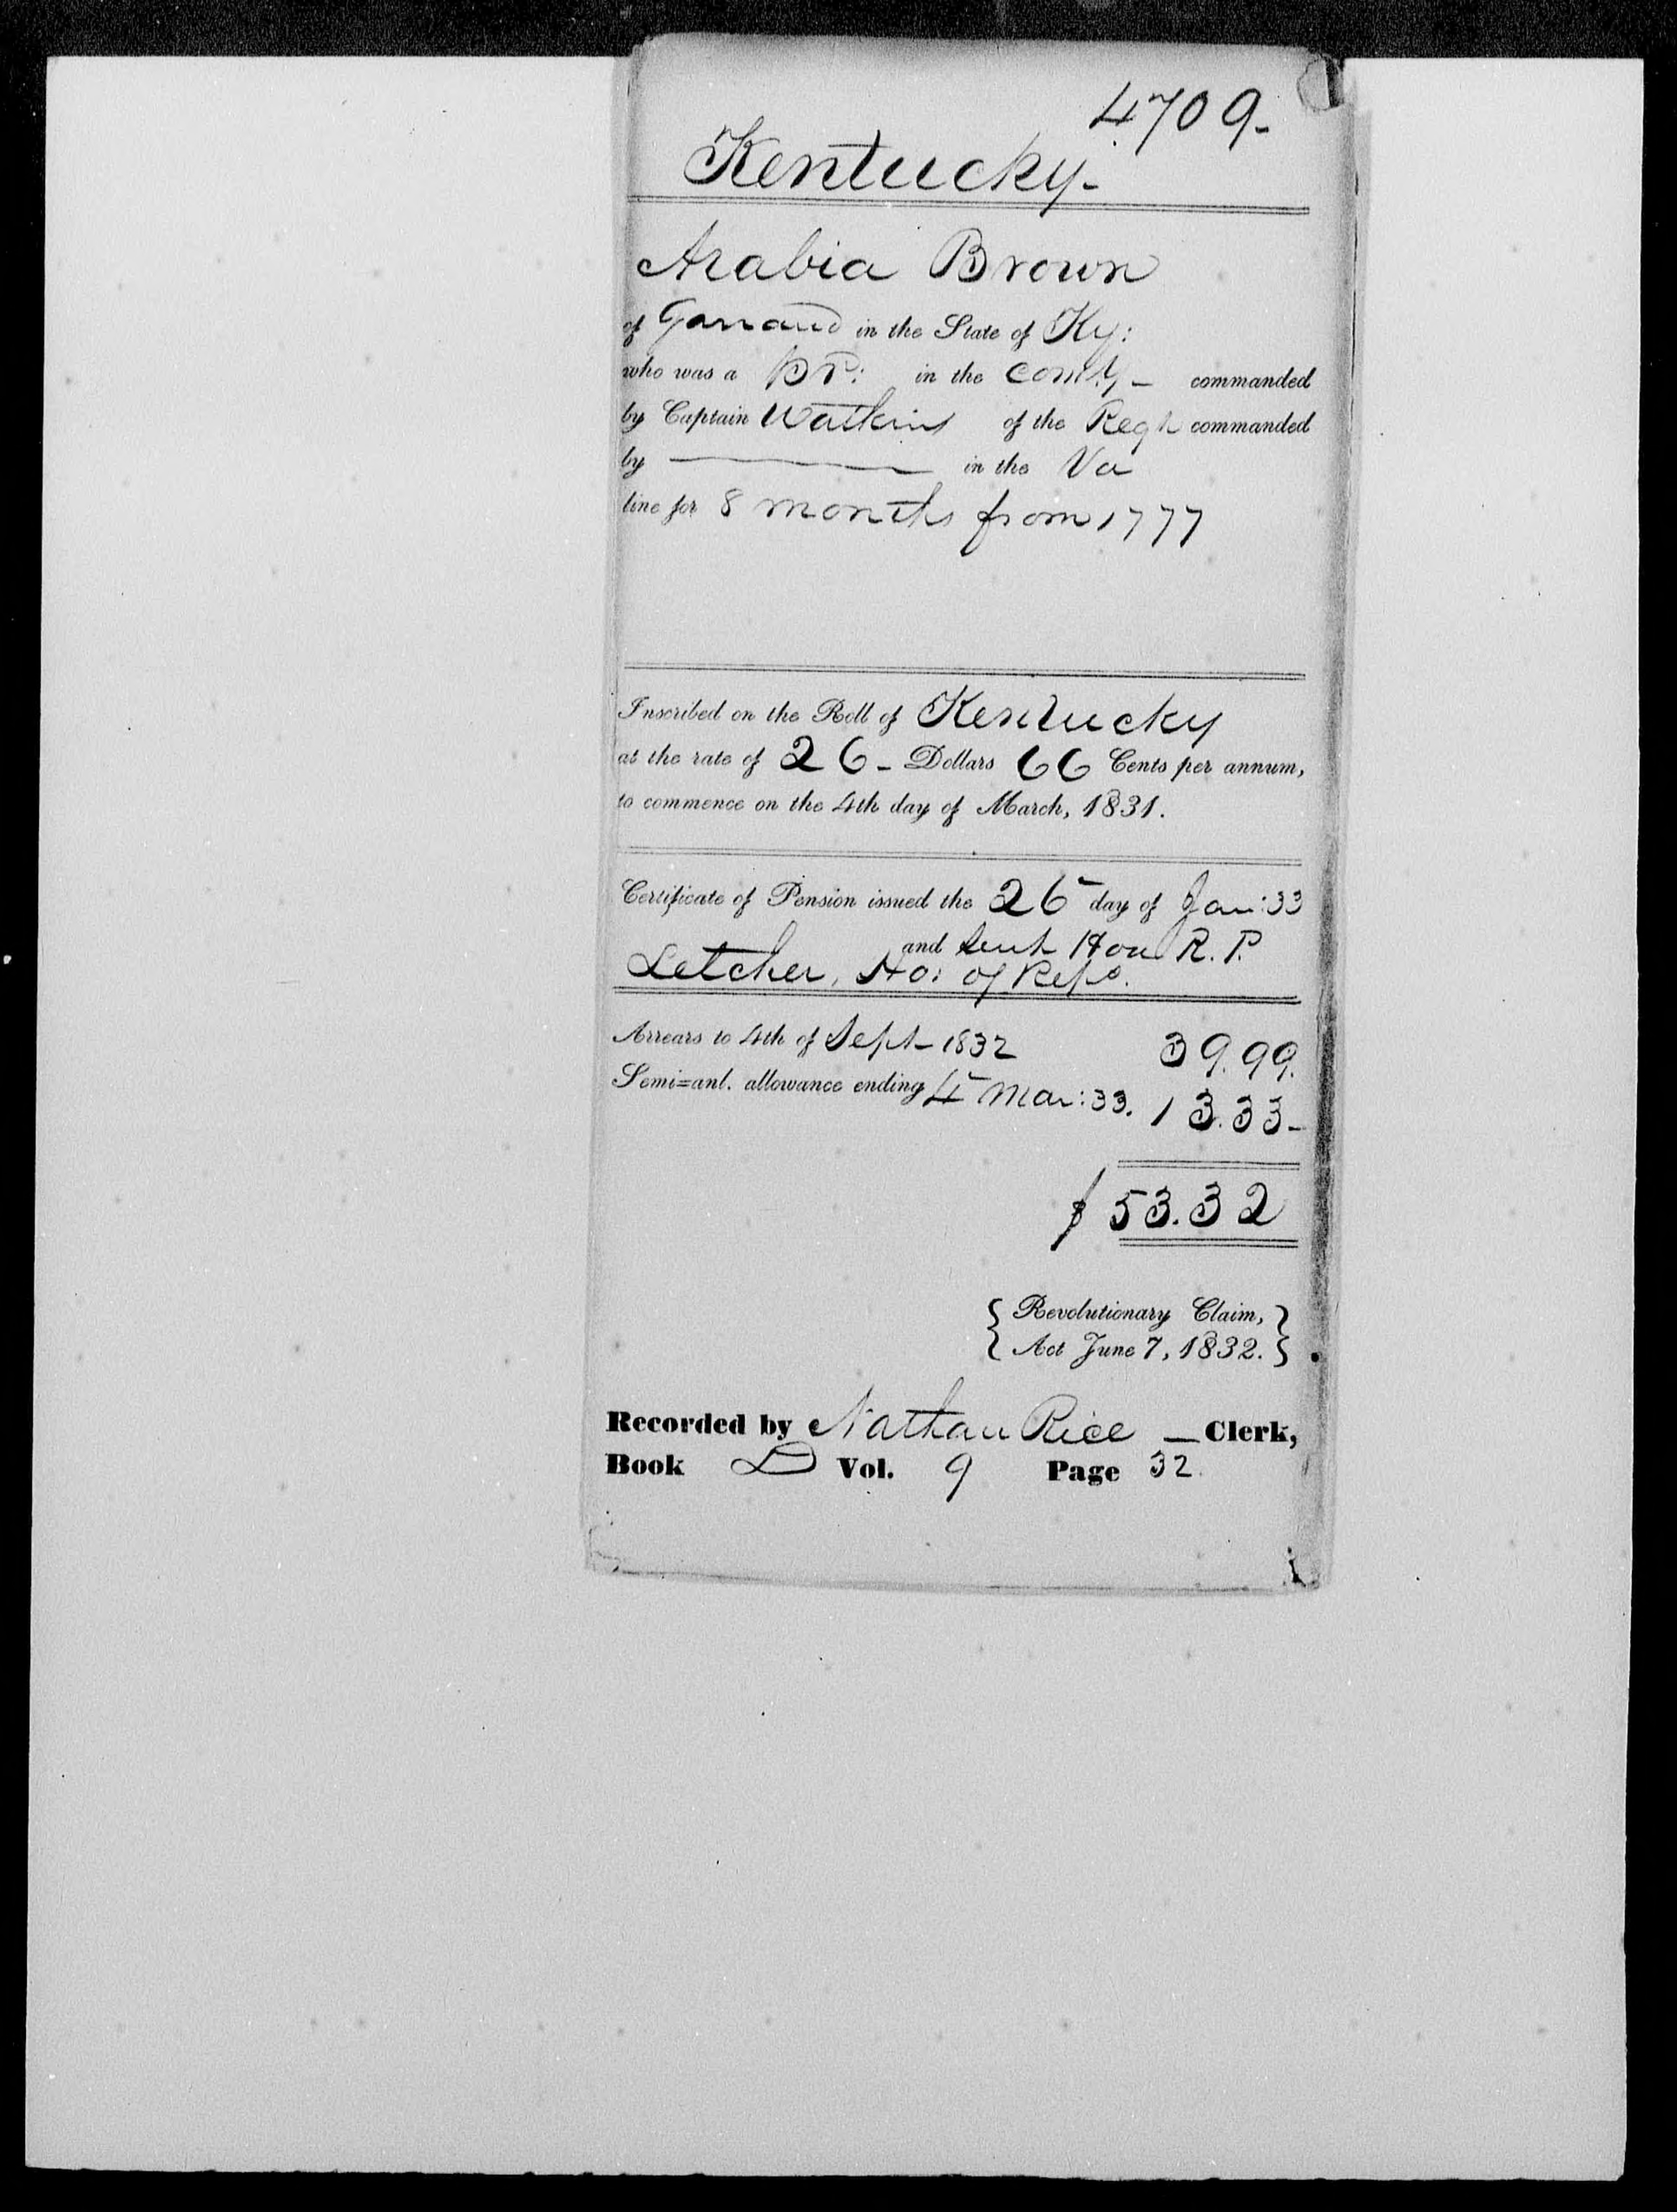4709-
Kentucky-
Arabia Brown of Garrard in the state of Ky: who was a Pr: in the compy-commanded by Captain Watkins of the RegT commanded by - in the Va line for 8 months from 1777
Inscribed on the roll of Kentucky at the rate of 26_Dollars 66 Cents per annum, to commence on the 4th day of March 1831.
Certificate of Pension issued the 26 day of Jan '33 and sent Hon. R.P Letcher, Ho: of Reps.
Arrears to 4th of Sept-1832
Semi=anl. allowance ending 4th Mar: 33
39.99
13.33
$53.32
{Revolutionary Claim
Act June 7, 1832}
Recorded by Nathan Rice_Clerk,
Book D Vol. 9 Page 32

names: Watkins, Nathan Rice, R P Letcher, Arabia Brown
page: 2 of 65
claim: widow's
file: W. 8384, Arabia Brown, Va.